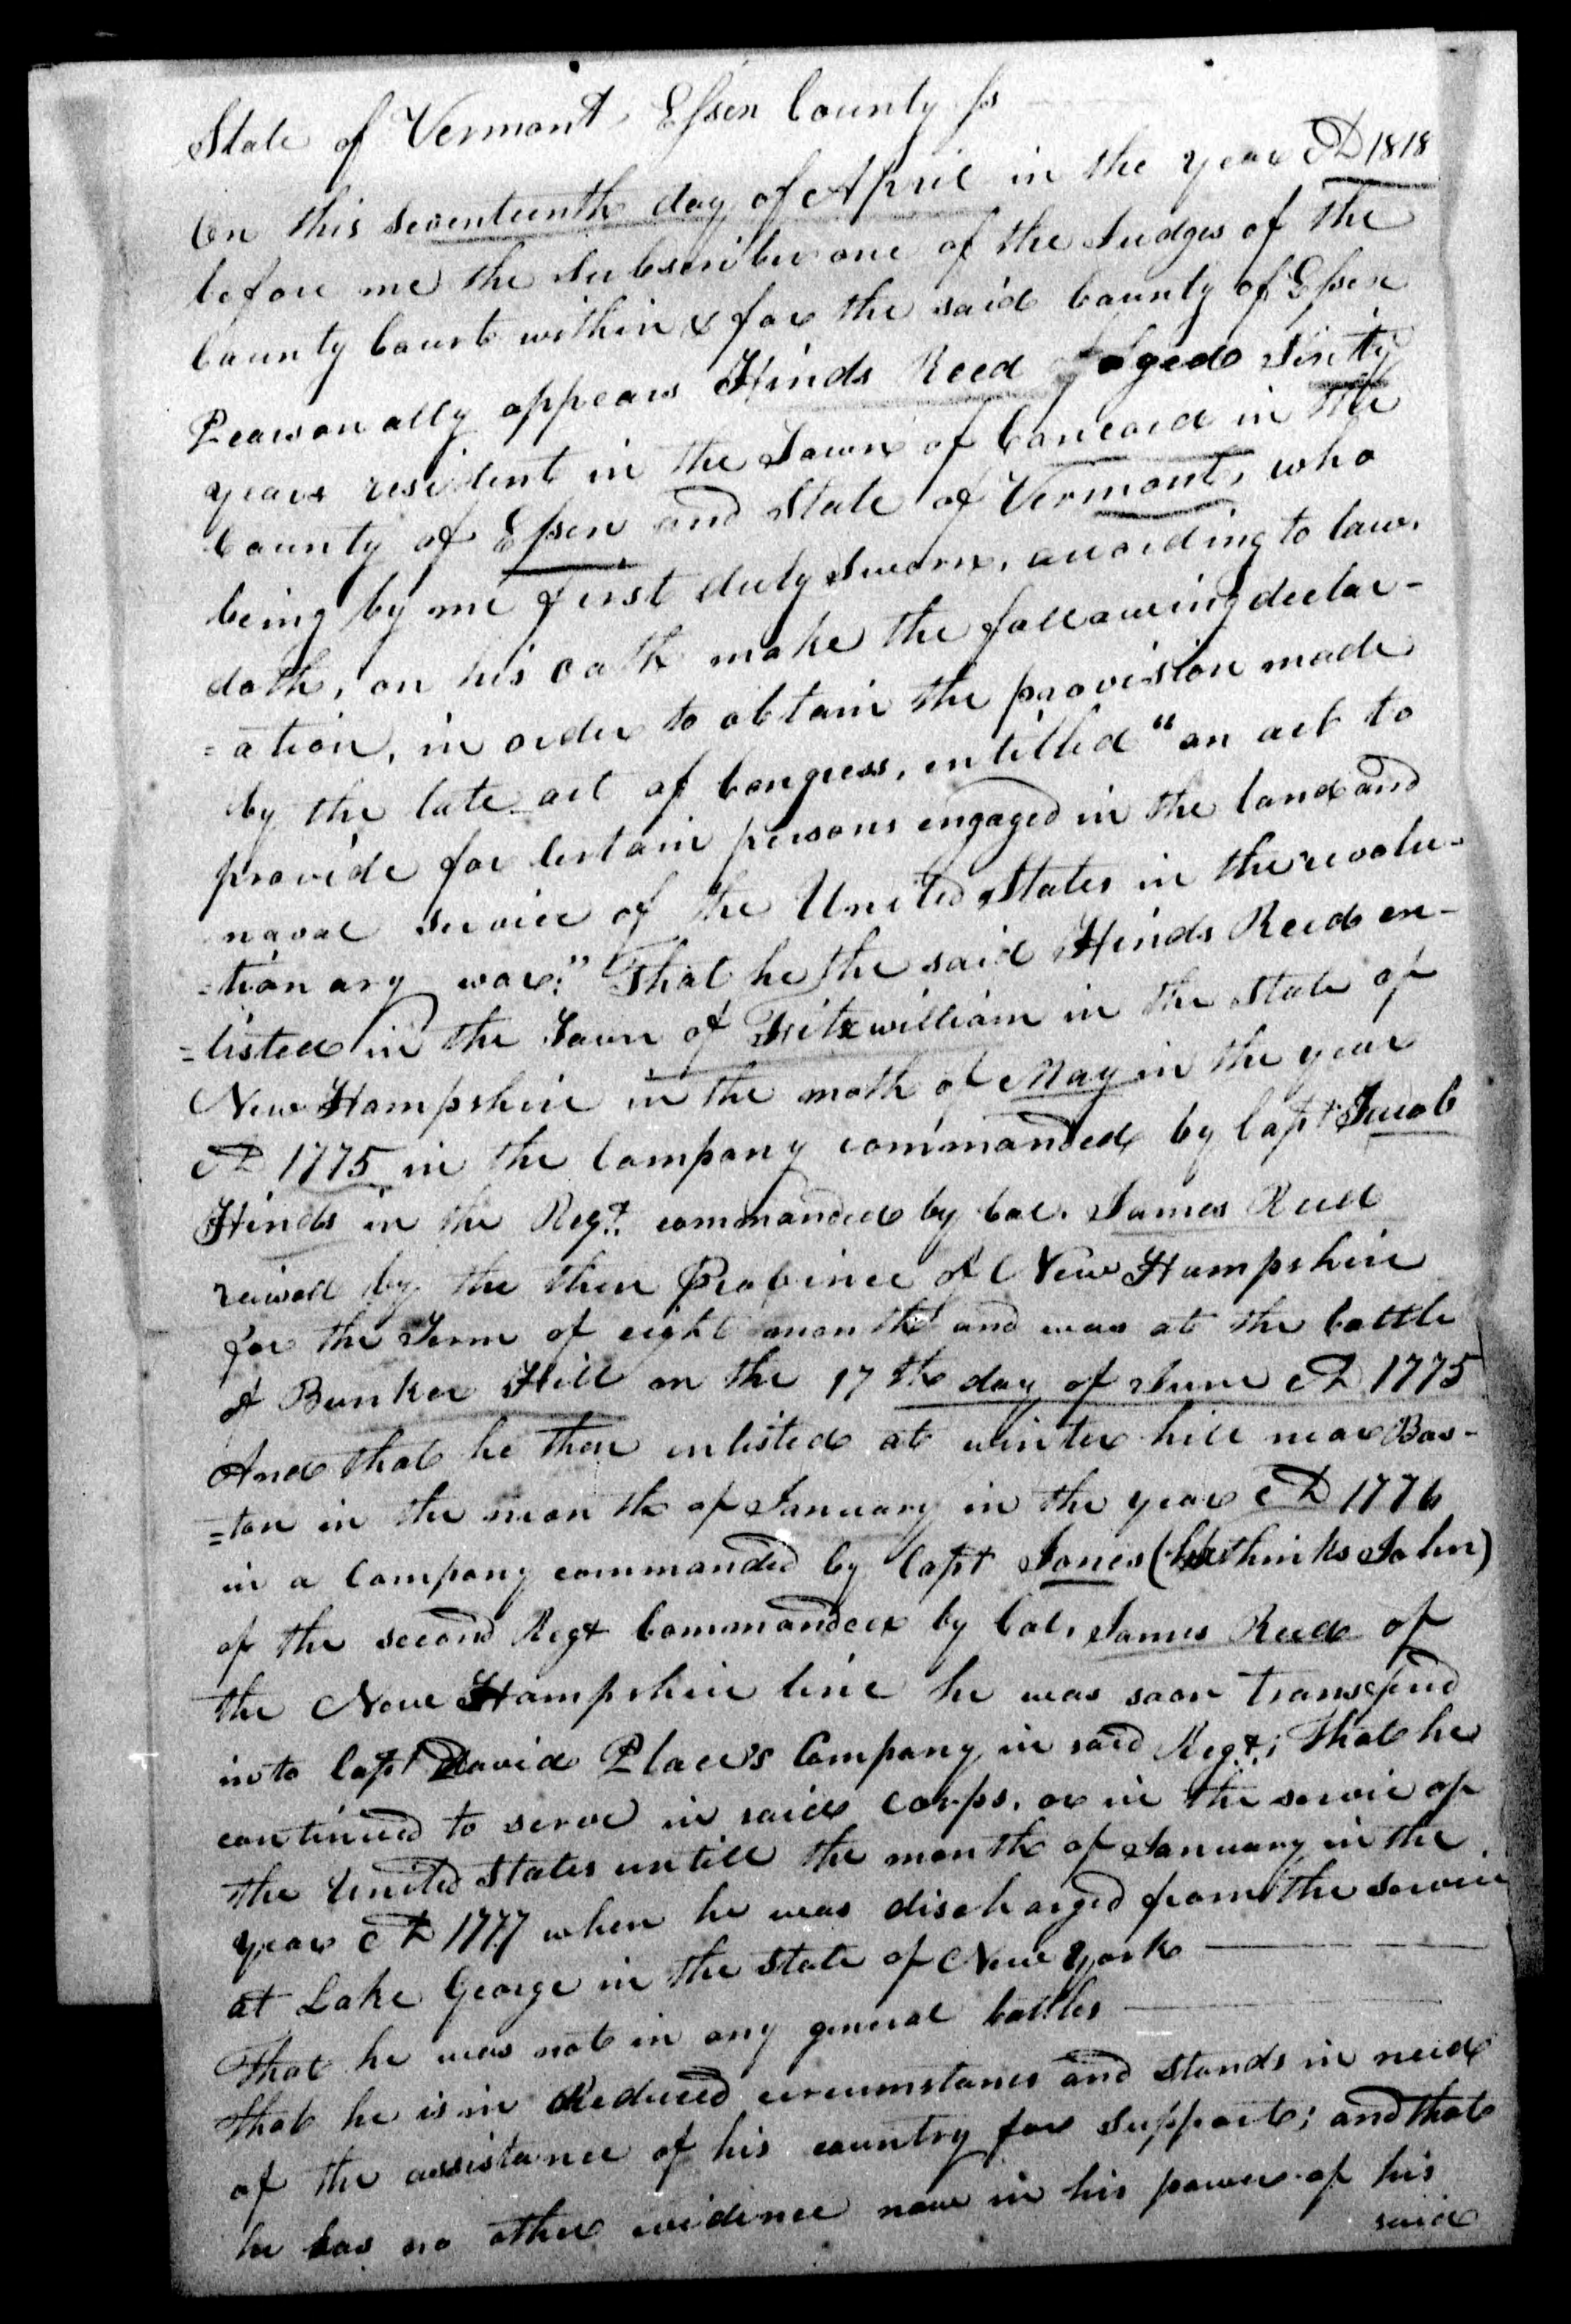State of Vermont, Essex County ss
On this Seventeen day of April in the year AD 1818
before me the subscriber one of the Judges of the
County Court within & for the said County of Essex
Personally appeared Hinds Reed aged Sixty
years resident in the Town of Garrard in the
County of Essex and State of Vermont, who
being by me first duly sworn, according to law
doth on his oath make the following declaration in order to obtain the provision made
by the late act of Congress, entitled "an act to
provide for certain persons engaged in the land and
naval service of the United States in the revolutionary war: That he the said Hinds Reed inlisted in the Town of Fitz William in the State of
New Hampshire in the month of May in the year
1775, in the company commanded by Capt Jacob
Hinds in the Regt commanded by Col. James Reed
raised by the then province of New Hampshire
for the Term of eight months and was at the battle of
Bunker Hill on the 17th day of June 1775
And that he then enlisted at Winter hill near as
Boston in the month of January in the year 1776
in a company commanded by Capt Jones (thinks John)
of the second Regt commanded by Col. James Reed of
the New Hampshire line he was soon transferred
into Capt David Place Company in said Regt, that he
continued to serve in said corps or in the service of
the United States untill the month of January in the
year 1777 when he was discharged from the service
at Lake George in the State of New York
---
that he was not in any general battles
that he is in reduced circumstance and stands in need
of the assistance of his country for support; and that
he has no other evidence now in his power of his
said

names: James Reed; James Reed; Hinds Reed; John [BLANK]; Jacob Hinds; [BLANK] Jones; Hinds Reed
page: 4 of 19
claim: survivor's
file: S 41975, for Hinds Reed, New Hampshire